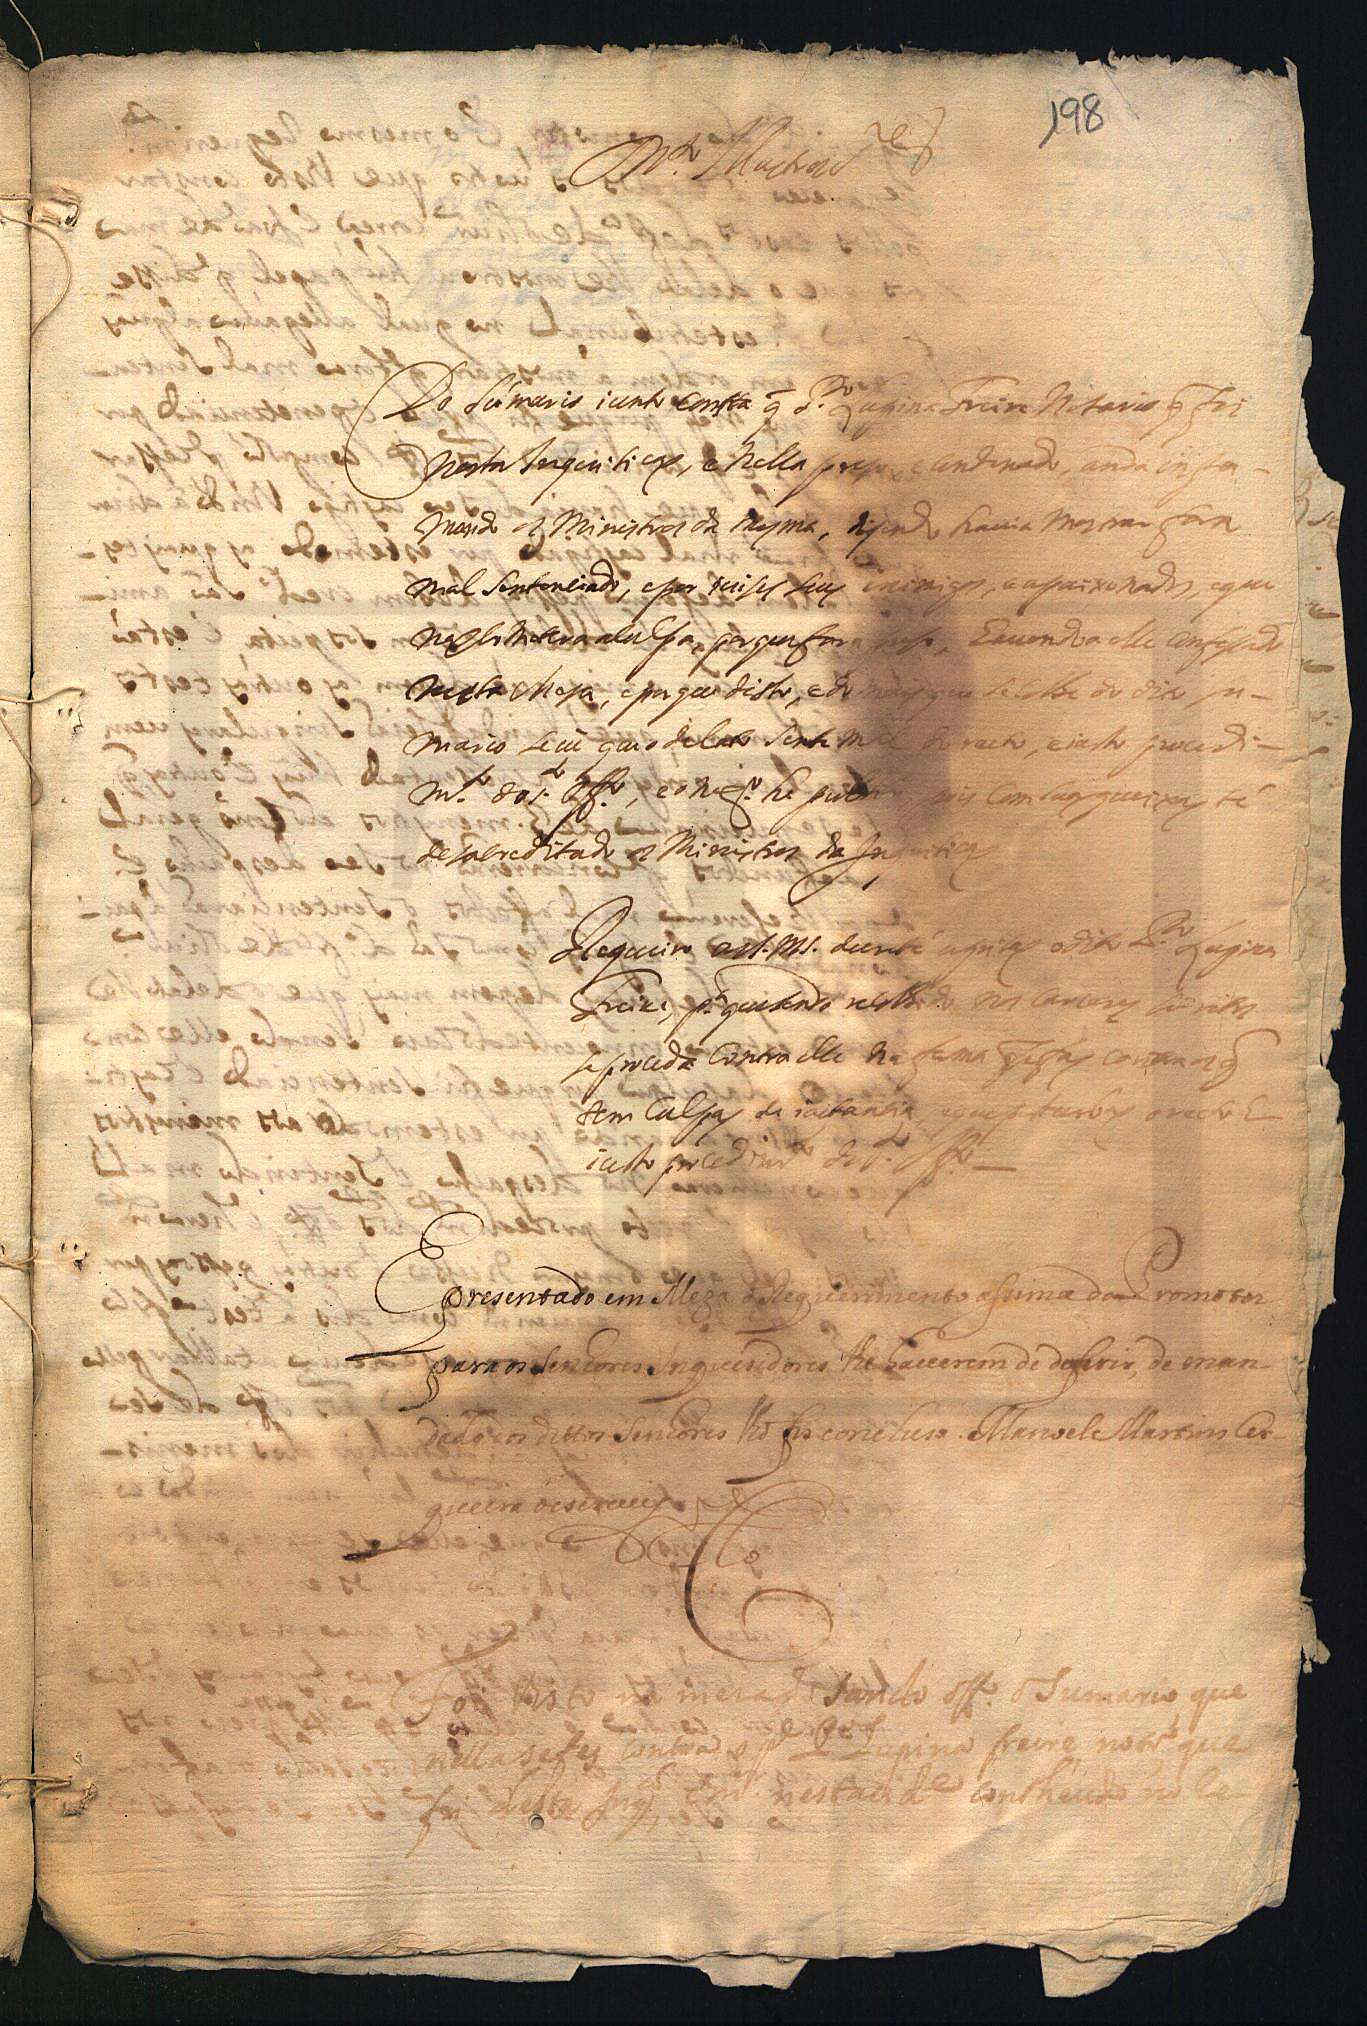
M.to Illustres Sres
Do Sumario iunto consta q̄ P.o Lupina Freire Notario q̄ foi
nesta Inquisiçaꝭ, e nella preso e condenado, anda infa
mando os ministros da mesma, disendo hauia mostrar fora
mal sentenciado, e por iuises seus inemigos, a apaixonados, e que
naꝭ cometera a culpa, por que fora preso, hauendo a elle confessado
nesta Mesa, e porque disto, e do mais que se colhe do dito su
mario se ue que o delato sente mal do recto, e iusto procedi
m.to do s.to off.o, e o neg.o he publico, pois com suas queixas tē
desacreditado os ministros da Jnquisiçaꝭ
Requeiro a vs. ms. decretē a prisaꝭ o dito P.o Lupina
Freire, p.a que sendo recolhido nos carceres secretos
se proceda contra elle na fama q̄ se faz contra os q̄
tem culpas da instansia, e que perturbaꝭ o recto E
iusto prcedimto do sto off.o
E presentado em Meza Requerimento assima do Promotor
para os Senhores Inquisidores lhe hauerem de deferir, de man
dado dos dittos Senhores lho fis concluso. Manoel Martins Cer
queira o escreuy
Clo
Foi visto na meza do sancto offo o Sumario que
nella se fez contra o pe P.o Lupina freire notro que
foi desta Jnqçō, e mor. nesta cide contheudo no Re
